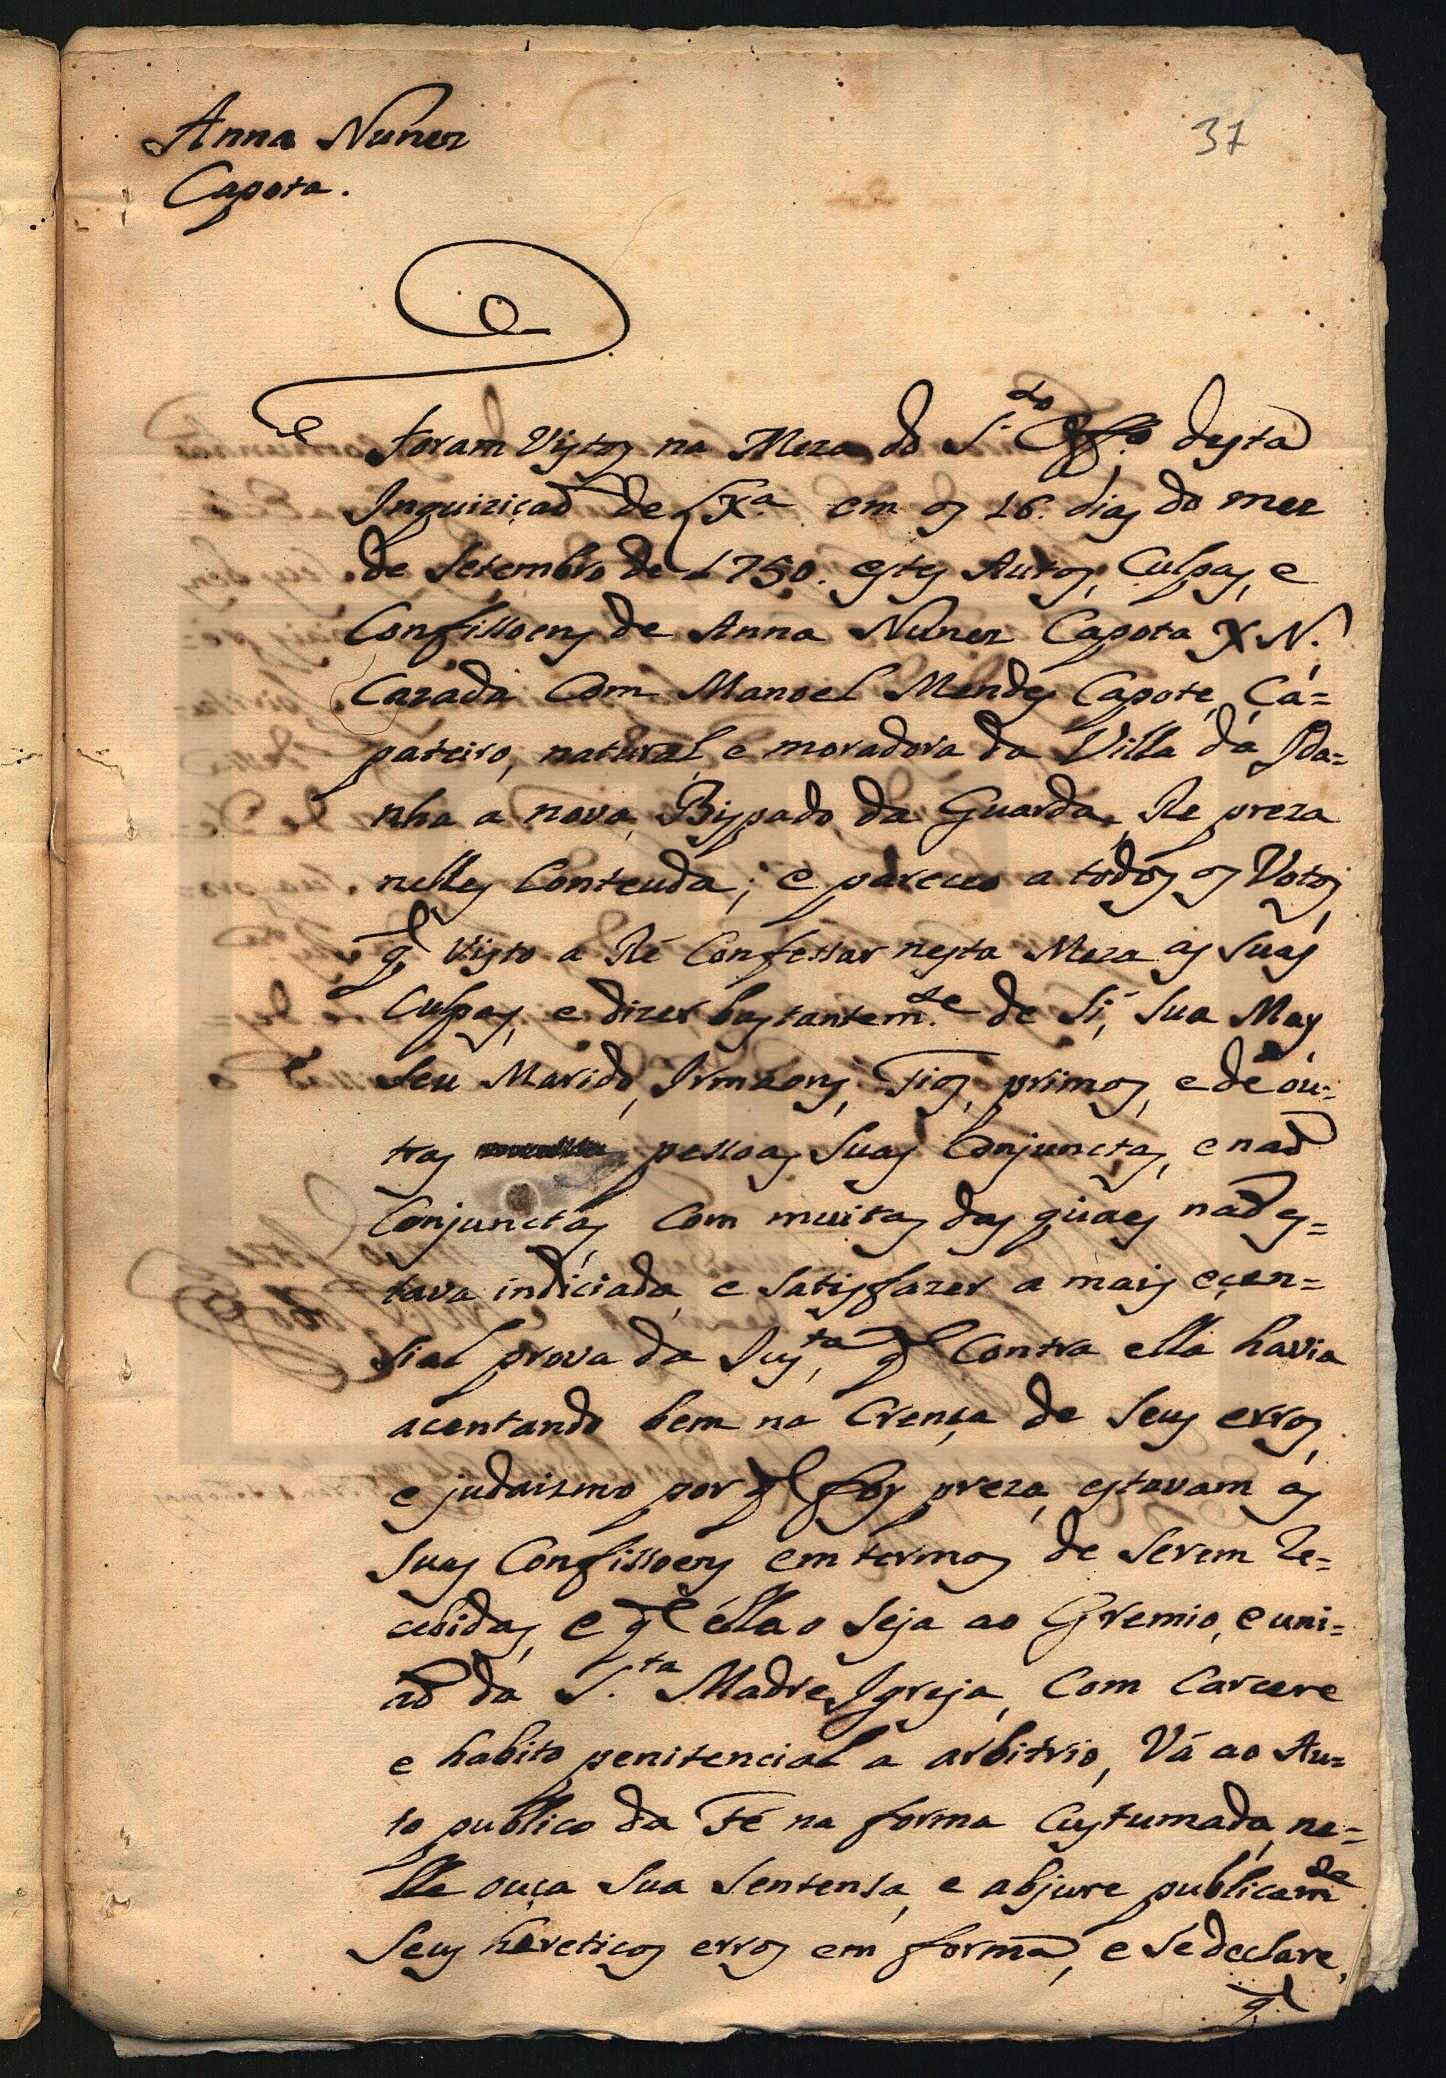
Anna Nunez
Capota.
e foram vistos na Meza do S.to Off.o desta
Inquizição de Lx.a em os 16. dias do mez
de Setembro de 1750. estes Autos, Culpas e
Confissoens de Anna Nunez Capota X. N.
cazada com Manoel Mendes Capote, Ça
pateiro, natural e moradora da Villa da Jda
nha a nova Bispado da Guarda Re preza
nelles Conteuda; e pareceo a todos os Votos
q̄ visto a Ré Confessar nesta Meza as suas
culpas, e dizer bastantem.te de si, sua May
seu Marido Irmaons, Tios, primos, e de ou
tras __ pessoas suas Conjunctas, e naõ
Conjunctas com muitas das quaes naõ es
tava indiciada, e satisfazer a mais eçan
sial prova da Iusta, q̄ contra ella havia
acentando bem na crença de seus erros
e judaismo por q̄ foy preza, estavam as
suas Confissoens em termos de serem Re
cebidas, e q̄ ella o seja ao Gremio, e uni
aõ da S.ta Madre Jgreja, com carcere
e habito penitencial a arbitrio, Vá ao Au
to publico da Fé na forma custumada ne
lle ouça sua sentensa, e abjure publicam.te
seus hereticos erros em forma, e se declara
q̄
